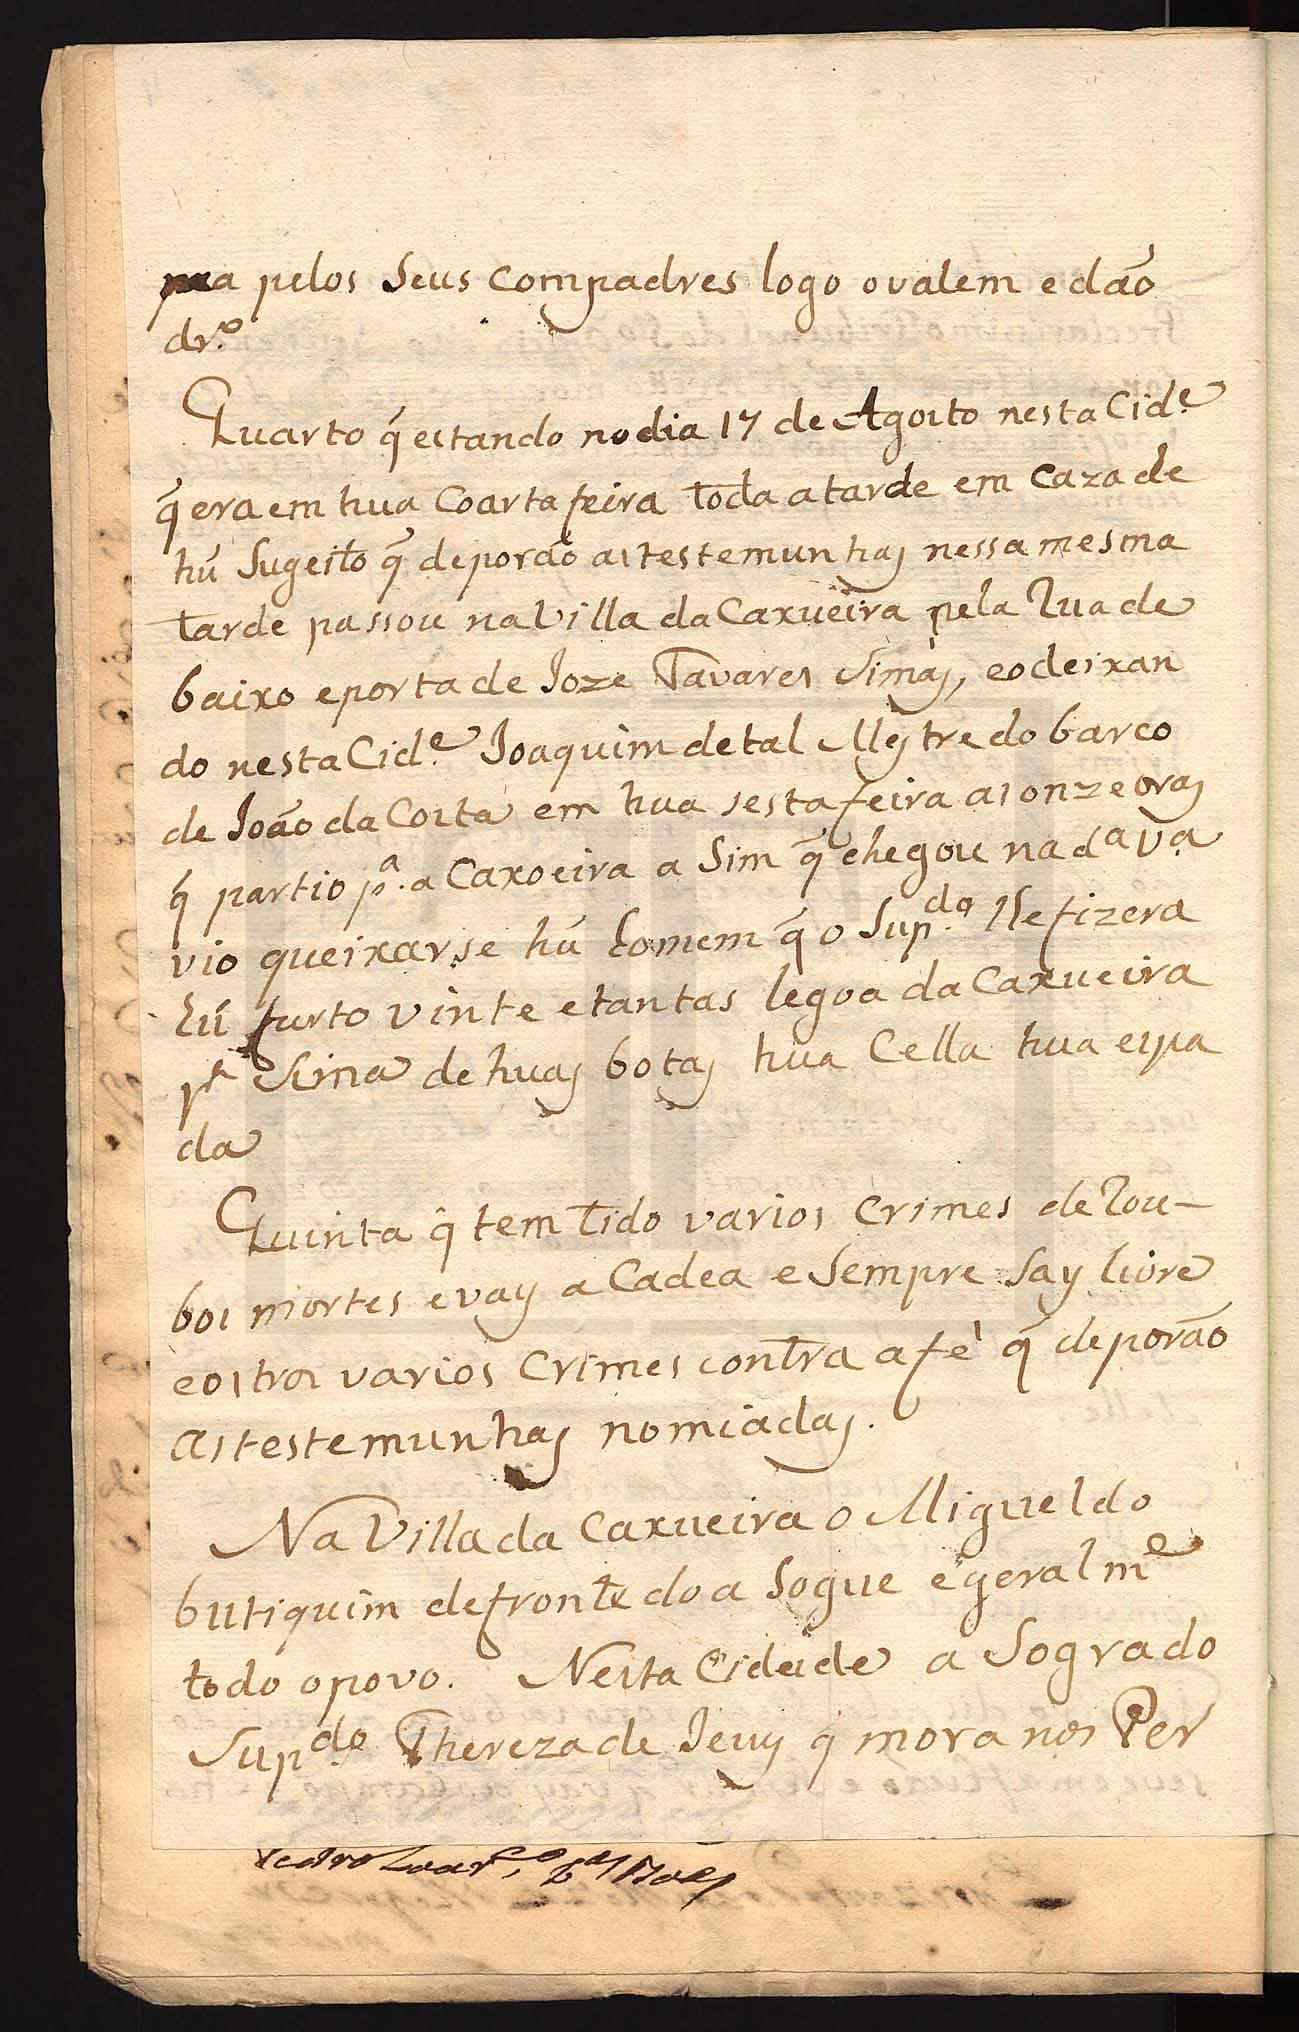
pra pelos seus compadres logo o valem, e daõ
dr.o
Quarto q̄ estando no dia 17 de Agosto nesta Cid.e
q̄ era em hua coarta feira toda a tarde em caza de
hū sugeito q̄ deporão as testemunhas nessa mesma
tarde passou na villa da Caxueira pela Rua de
baixo e porta de Ioze Tavares Simas, e o deixan
do nesta Cid.e Ioaquim de tal Mestre do barco
de Ioão da Costa em huā sesta feira as onze oras
q̄ partio p.a a caxoeira aSim q̄ chegou na da V.a
vio queixarse hū homem q̄ o sup.do lhe fizera
hū furto vinte e tantas legoa da caxueira
p.a sima de huas botas huā Cella huā espa
da
Quinta q̄ tem tido varios crimes de Rou
bos mortes e vay a Cadea e sempre say livre
e outros varios crimes contra a fé q̄ deporão
as testemunhas nomiadas.
Na Villa da Caxueira o Miguel do
butiquim defronte do asogue e geralm.e
todo o povo. Nesta Cidade a Sogrado
Sup.do Thereza de Iesus q̄ mora nos Per
